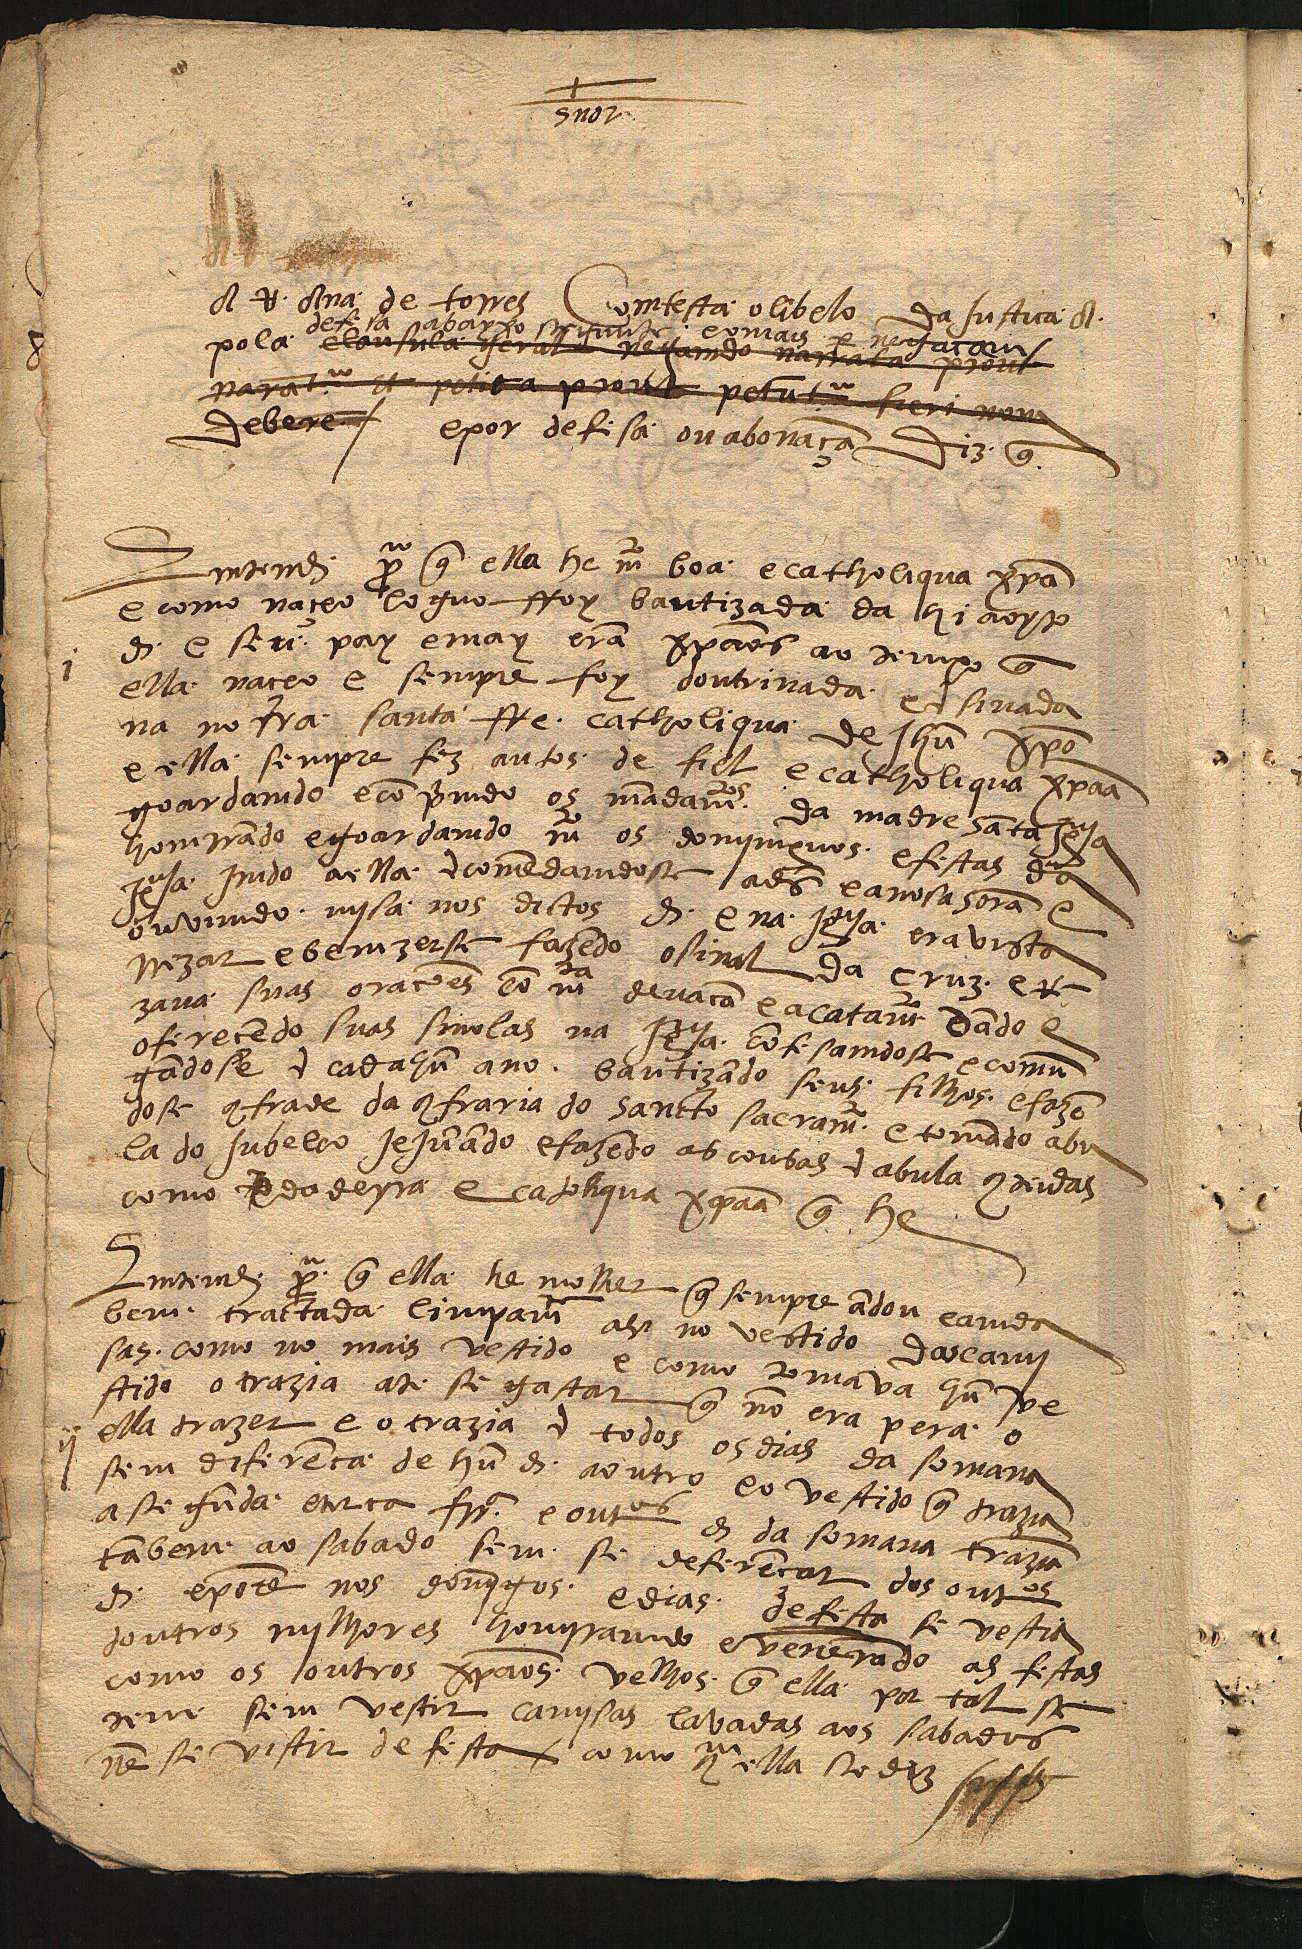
s̄nor
A R. Ana de torres Comtesta o libelo da Justica A.
pola.
defesa abayxo sseguinte . e o mais ꝑ negacam /
clausula geraL negando narrata prou/
nar̄at Et petit a prout pertūt̄ fieri nom
debere./ e por defesa. ou abonāça diz. q̄.
Emtemdi ꝓ̄ q̄ ella he mto boa e catholiqua xp̄a
e como naçeo loguo ffoy bautizada. da hi a oyto
di e seu. pay e may er̄a xpãos ao tempo q̄
ella naçeo e sempre foy doutrinada. e ēsinada
na nossa. santa. ffe. catholiqua. de Jhū Xp̄o
e ella. sempre fez autos. de fiel e catholiqua xpāa
goardamdo e c̄opimdo os m̄adamtos. da madre sāta Jḡja
homrrādo e goardamdo mto os domjmguos. e festas da
Jḡja. Jmdo a ella. ēcom̄edamdosse a ds̄ e a nosa sōra e
ouvimdo . mjsa. nos dictos di e na. Jḡja era vista
rrezar e bemzerse fazēdo o sinal da cruz. e Re
zaua. suas oracões c̄o mta deuac̄a e acatamto dādo e
oferecēdo suas smolas na Jḡja. c̄ofesamdose e com̄u
gādose ē cada hū ano . bautizādo seus. filhos. e fazē
dose ꝯfrade da ꝯfraria do sancto sacramto. e tom̄ado a bu
la do Jubeleo JeJūādo e fazēdo as cousas ē a bula ꝯteudas
como ꝟdadeyra. e catoliqua xpāa q̄ he
Emtemdj ꝓ̄. q̄ ella. he molher q̄ sempre ādou e amda
bem. tractada. limpamte asi no vestido das camj
sas. como no mais vestido e como tomava hū ve
stido o trazia ate se gastar q̄ n̄o era pera. o
ella trazer e o trazia ē todos os dias da somana
sem diferēca. de hū di a outro e o vestido q̄ trazia
a segūda. e terca frra. e outos di da somana trazia
tābem. ao sabado sem. se deferēçar dos outos
di e p̄ore nos dom̄jgos. e dias. de festa se vestia
doutros mjlhores homrramdo e vener̄ado as festas
como os outros xpãos. velhos. q̄ ella. por tal se
tem. sem vestir camjsas lavadas aos sabados
n̄e se vistir de festa / como ꝯ̄ ella se diz _
